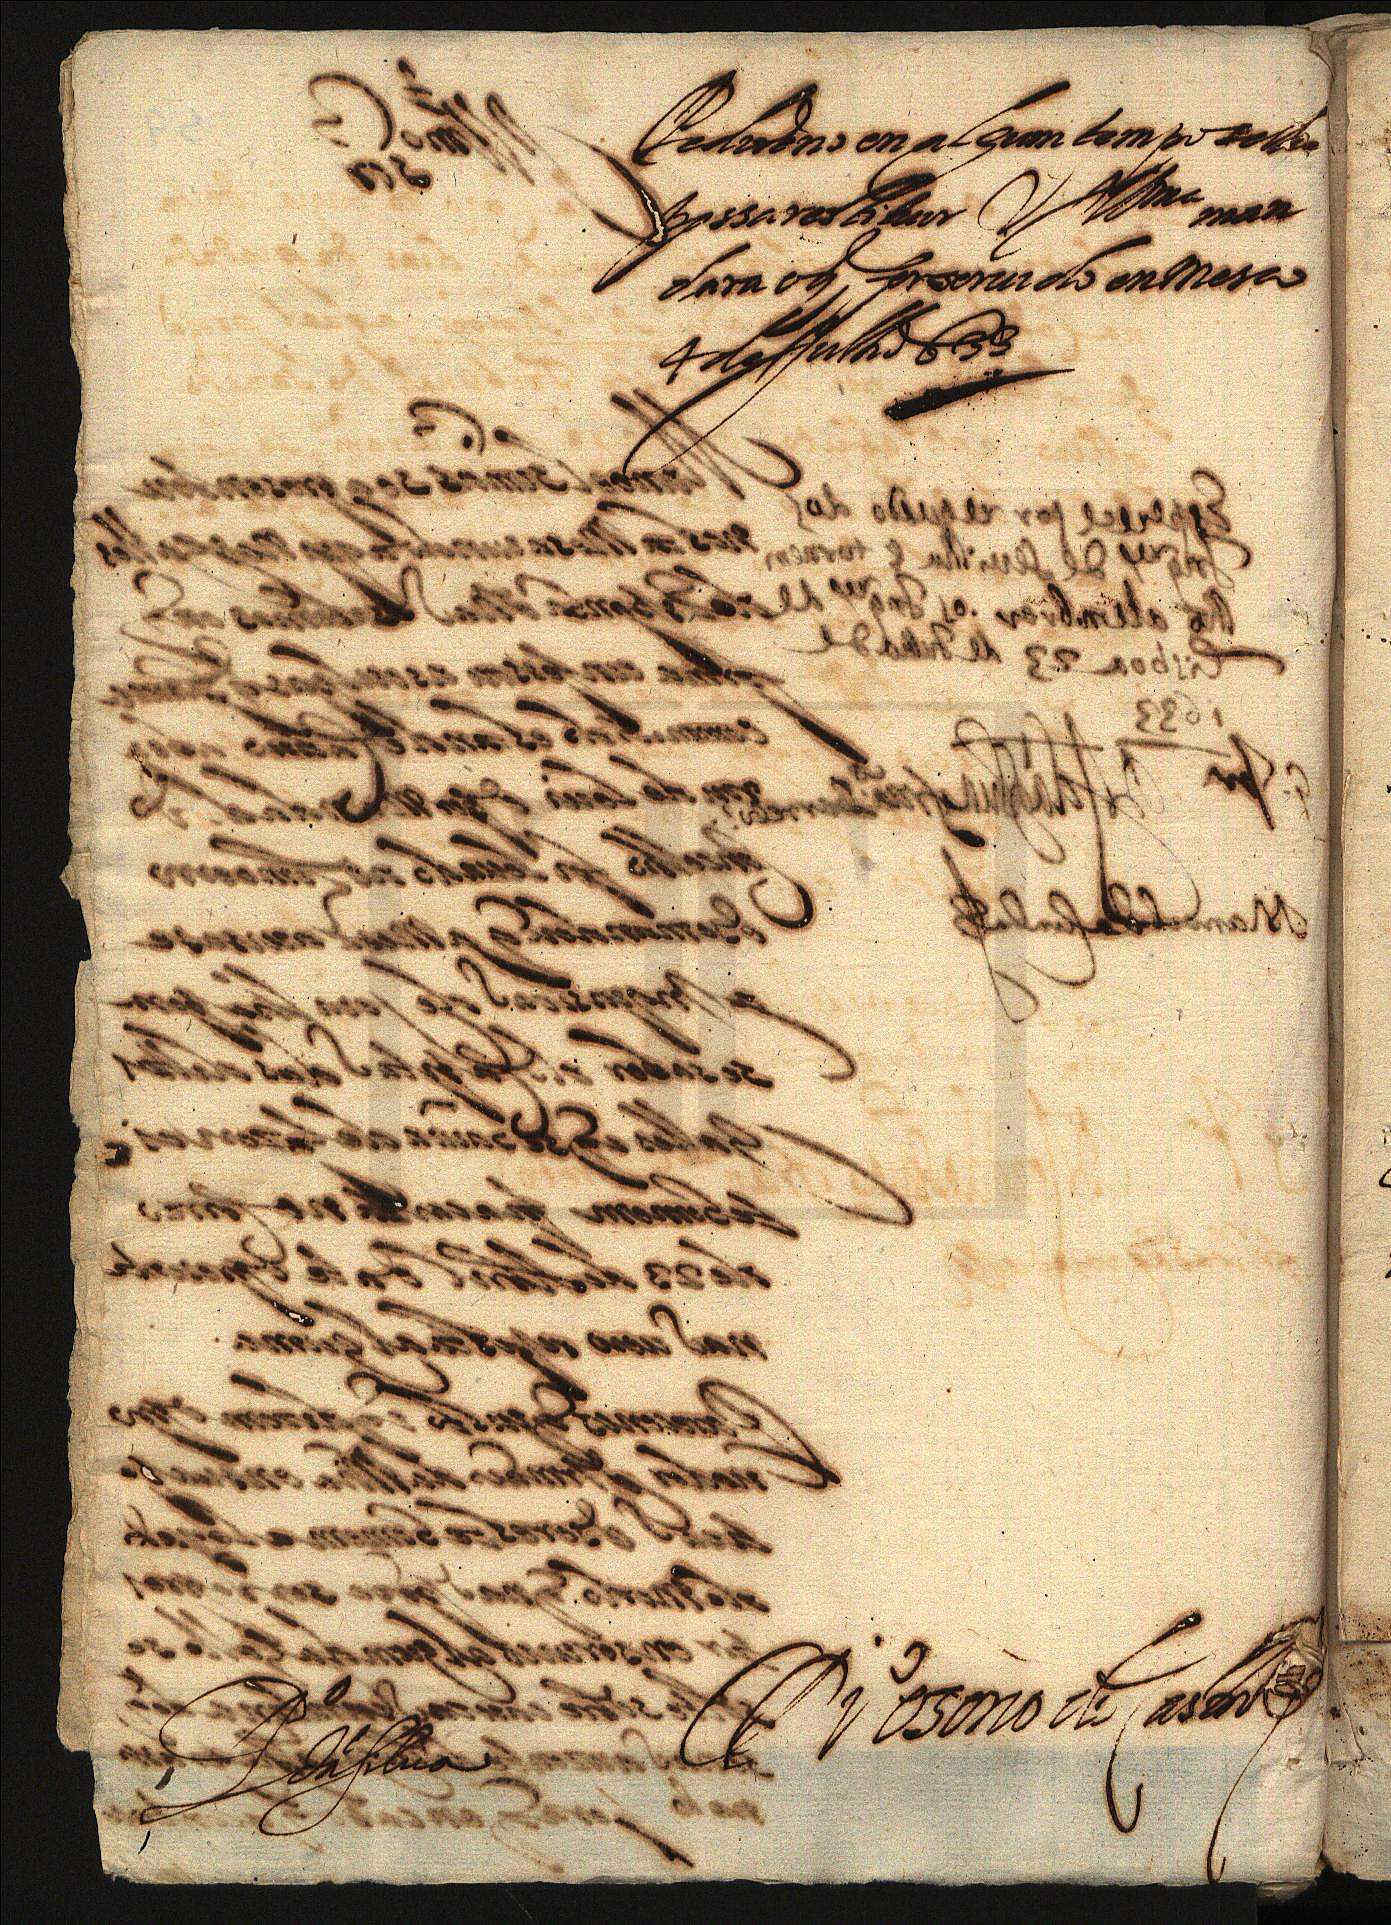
Pedirēno en algum tempo se lhe
possa restituir V Jllma man
dara o q̄ for seruido en mesa
4 de Julho 633
